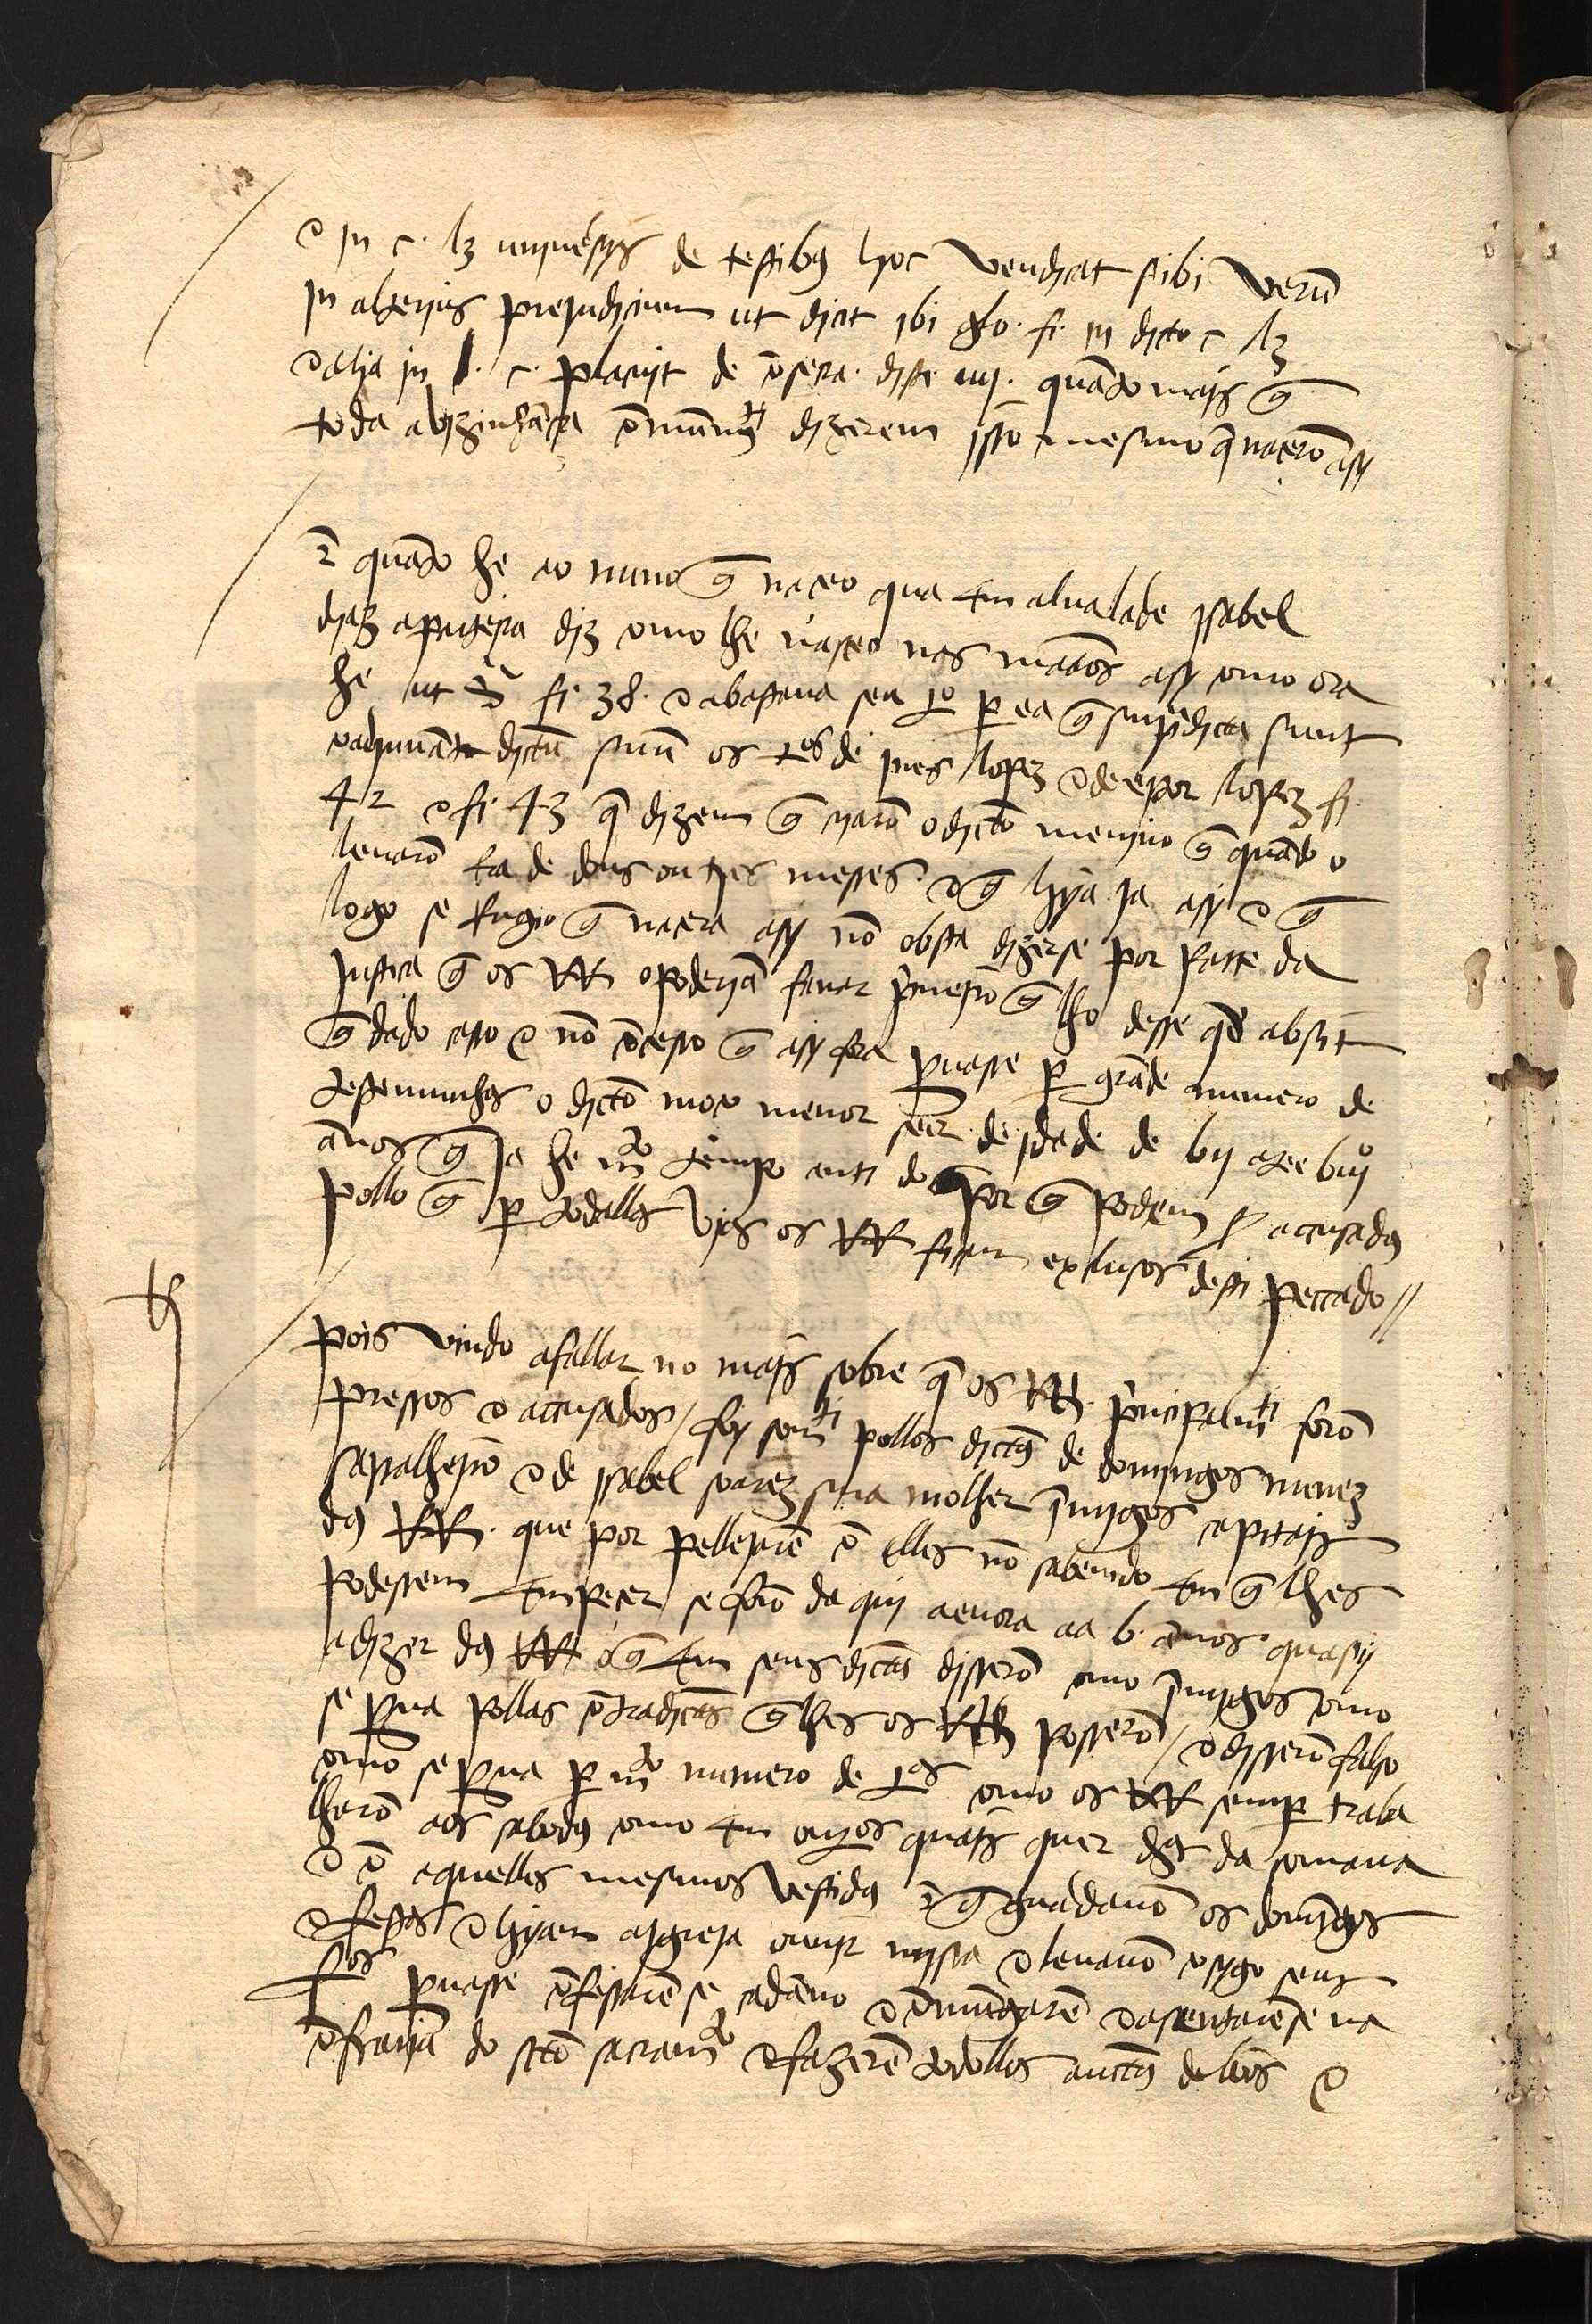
e jn c. lꝫ unjuēsys de testibꝯ hoc vendjcat sibi verū
jn alterjus prejudicium ut dicit jbi glo. fi. jn djcto c lꝫ
e alja jn _. c. placujt de c̄osecra. djsti. iiij. quāto majs q̄
toda a vjzinhāça c̄omūmti djzerem jsso mesmo q̄ naçēro asy
item quāto he ao nuno q̄ naçeo qua Em alualade jsabel
djaz a partejra djz como lhe naceo nas mãaos asy como ora
he ut S̄ fi. 38. e abastaua seu to ꝑ ea q̄ sup̄djcta sunt
coadjuuāt djc̄tu suū os tos de jnes lopez e de ejtor lopez fj
42 e fi. 43 q̄ djzem q̄ crjarō o djc̄to menjno q̄ quādo o
leuar̄o Era de dous ou tres messes. e q̄ hya Ja asy e q̄
logo se fugio q̄ nacera asy nō obsta djzerse por parte da
Justiça q̄ os RR o poderjā fanar p̄mejro q̄ lho desse qd' absit
q̄ dado casso e nō c̄ocesso q̄ asy fora ꝓuasse ꝑ grāde numero de
testemunhas o djc̄to moço menor seer de jdade de bij atee biijo
ānos q̄ Ja he mto tempo anti do por q̄ podem ꞩ accusadꝯ
pollo q̄ ꝑ todallas vjas os RR ficam excusos desti peccado //
pois vindo a fallar no majs sobre q̄ os RR p̄ncipalmti forō
pressos e accusados / foy somti pollos djc̄tꝯ de domjngos nunez
sarralhejro e de jsabel soarez sua molher j̄mjgos capitajs
dꝯ RR. que por pellejarē c̄o Elles nō sabendo Em q̄ lhes
podessem Empeçer se forō daquj a euora aa .b. ānos quasy
a djzer dꝯ RR o q̄ Em seus djc̄tꝯ djsserō como j̄mjgos como
se ꝓua pollas c̄otradjc̄as q̄ lhes os RR posser̄o / e djsserō falso
como se ꝓua ꝑ mto numero de tas como os RR semp traba
lharō aos sabodꝯ como Em outos quajsquer djas da somana
e c̄o aquelles mesmos vestidꝯ item q̄ guardauō os domj̄gos
e festas e hyam a Jgreja ouujr mjssa e leuauō cosygo seus
fos ꝓuasse c̄ofessarē se cadāno e c̄omūgarē e asentarē se na
c̄ofrarja do sct̄o sacramto e fazerē todollos auc̄tꝯ de boōs e
